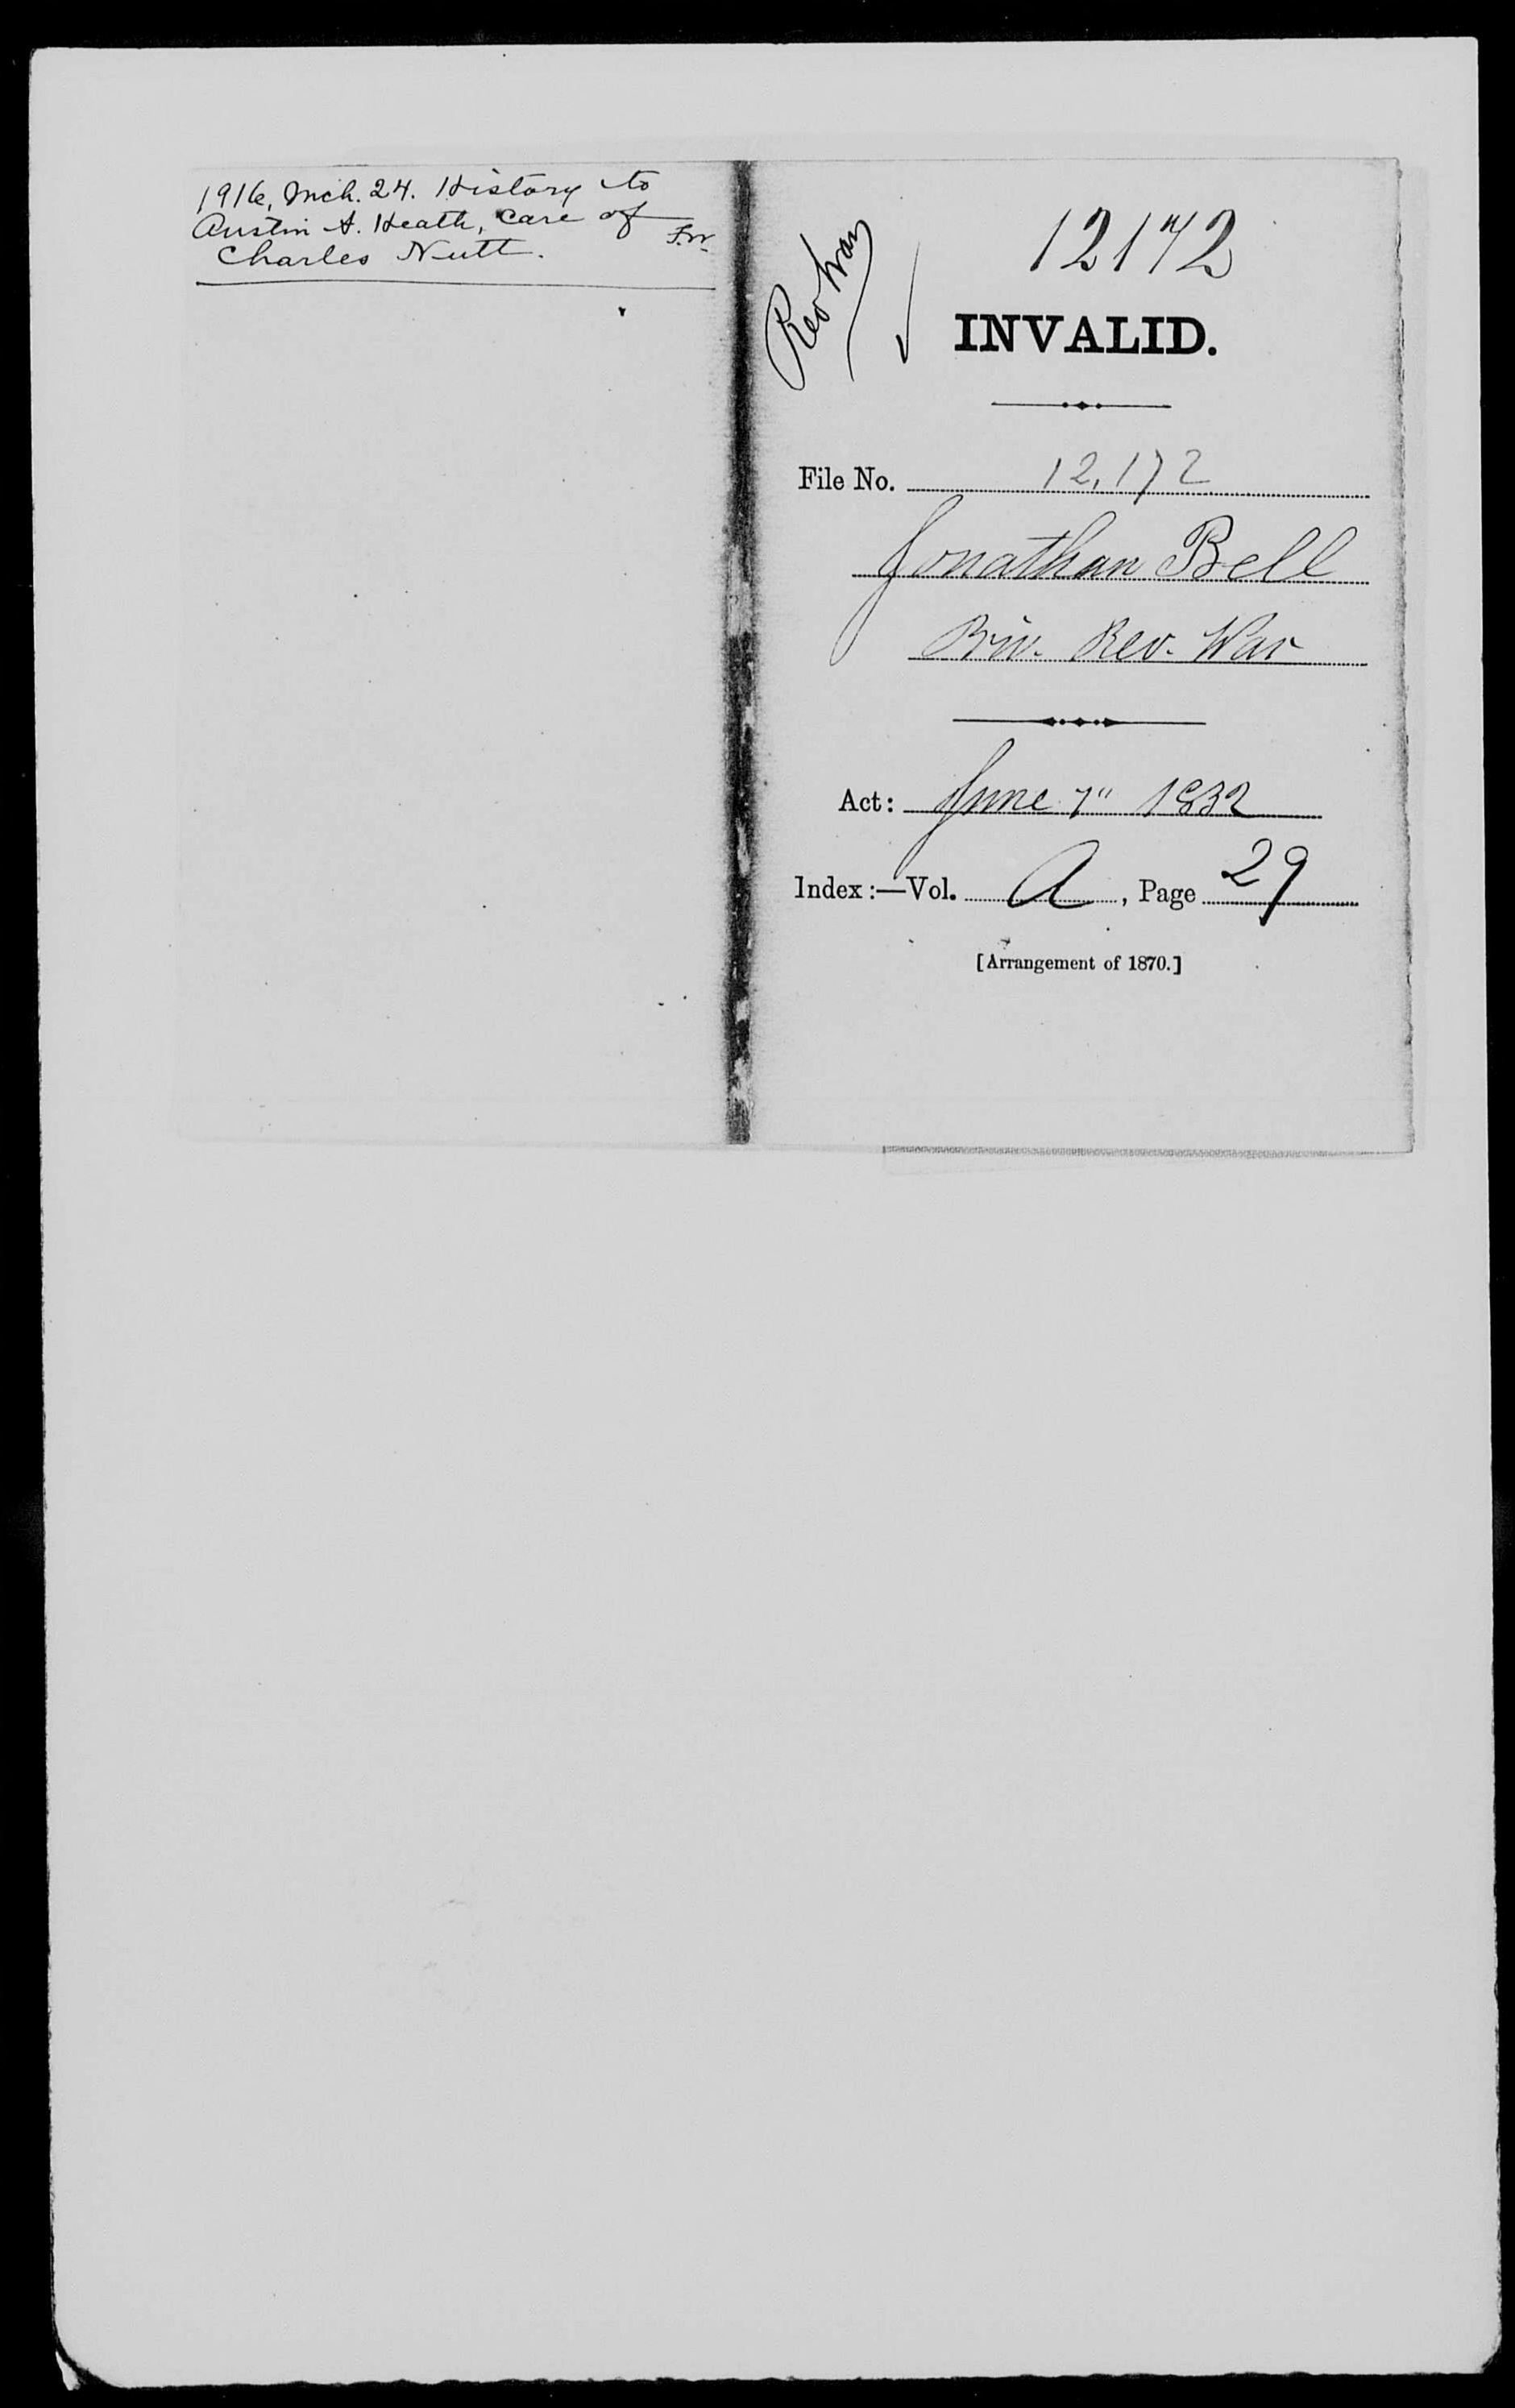[verso]
1916 Mch. 24. History to Austin A. Heath, care of Charles Nutt. F.W.

[recto]
12172
Rev War INVALID. 
File No. 12,172
Jonathan Bell 
Priv. Rev. War
Act: June 7" 1832
Index: - Vol. A, Page 29
[Arrangement of 1870.]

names: Charles Nutt, Austin A Heath, Jonathan Bell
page: 8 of 13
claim: survivor's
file: S. 12172, Jonathan Bell, N.H.